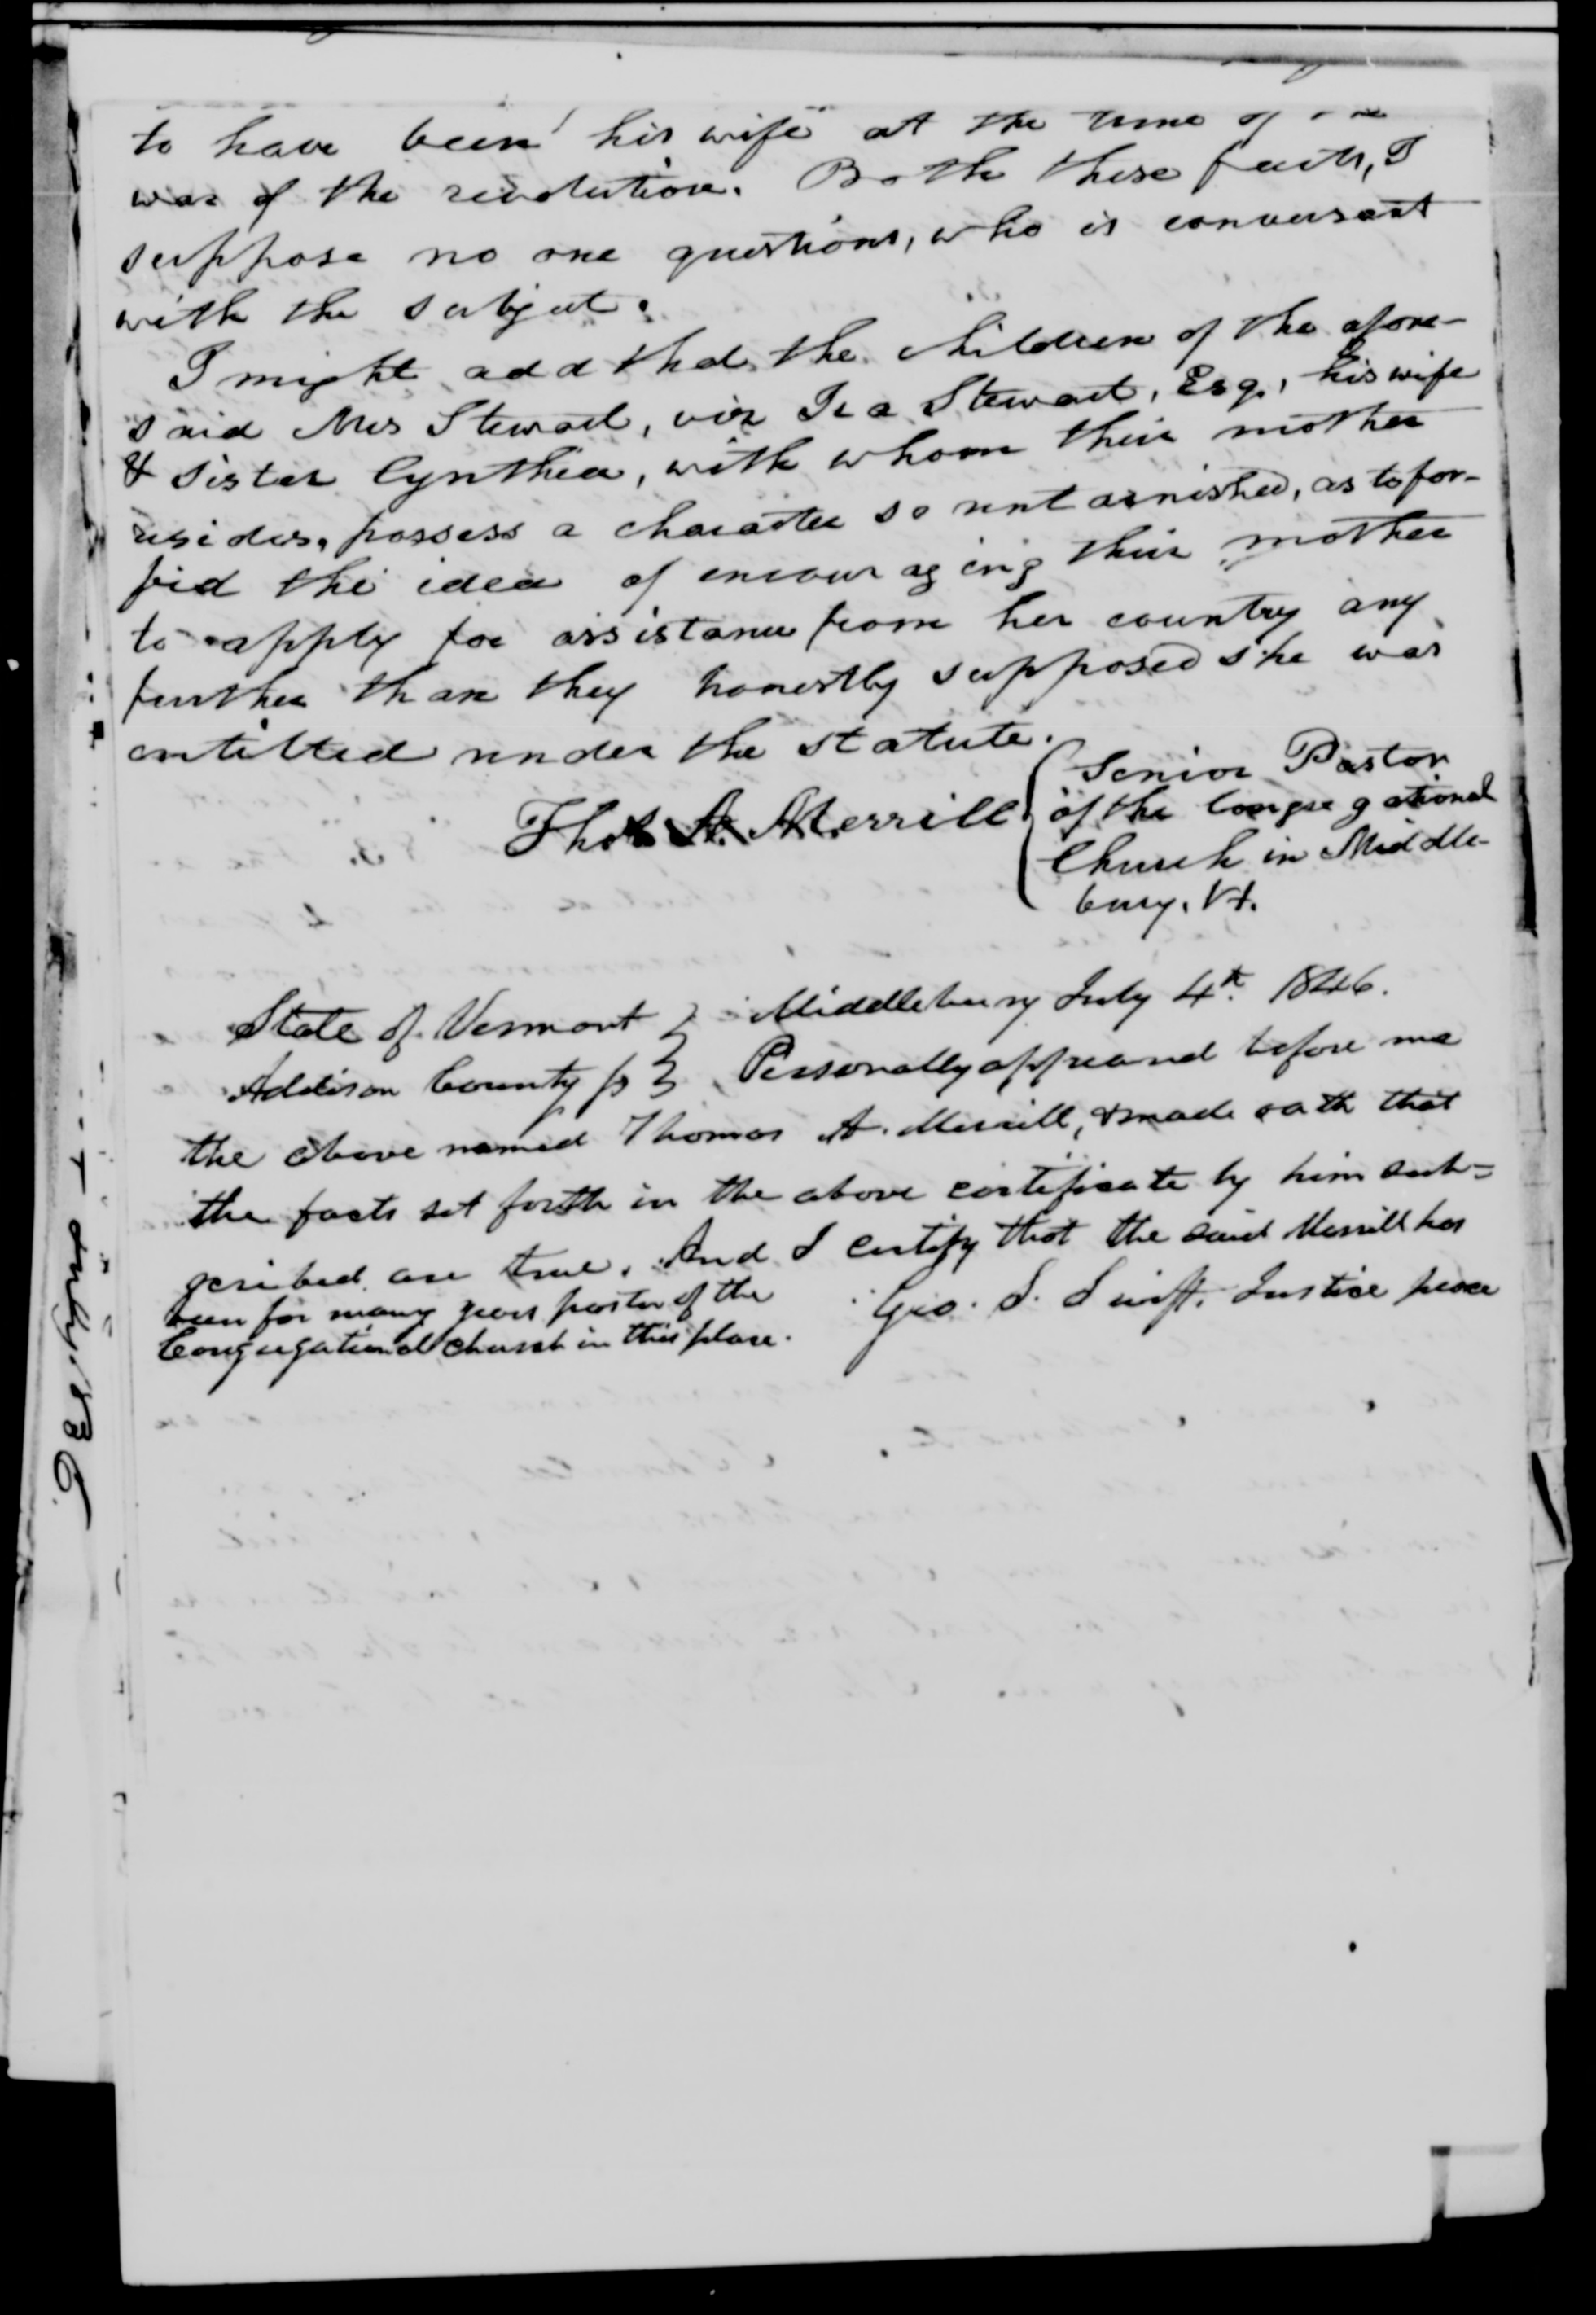to have been his wife at the time of
war of the revolution. Both these facts,
suppose no one questions, who is conversant
with the subject
I might add that the children of the afore
said Mrs Stewart, viz J Stewart, Esq. his wife
& Sister Cynthia, with whom their mother
resides, possess a character so untarnished, as to for
is the idea of encouraging their mother
to apply for assistance from her country any
further than they honestly supposed she was
entitled under the statute
[Signature] Thos A. Merrill
Senior Pastor
of the Congregation

Church in Middlebury, Vt.
State of Vermont 
Addison County Middlebury July 4th 1846
Personally appeared before me
the above named Thomas A. Merrill, & made oath that the
facts set forth in the above certificate by him out
scribed are true. And I certify that the said Merritt has
been for many years pastor of the
Congregational Church in this place.
[Signature] Geo. S. Swift Justice peace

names: Geo S Swift; Thos A Merrill; Ira Stewart; [BLANK] Merrill; Cynthia [BLANK]; [BLANK] Stewart; Thomas A Merrill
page: 15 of 26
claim: rejected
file: R. 10,154, for John Stewart, New Hampshire